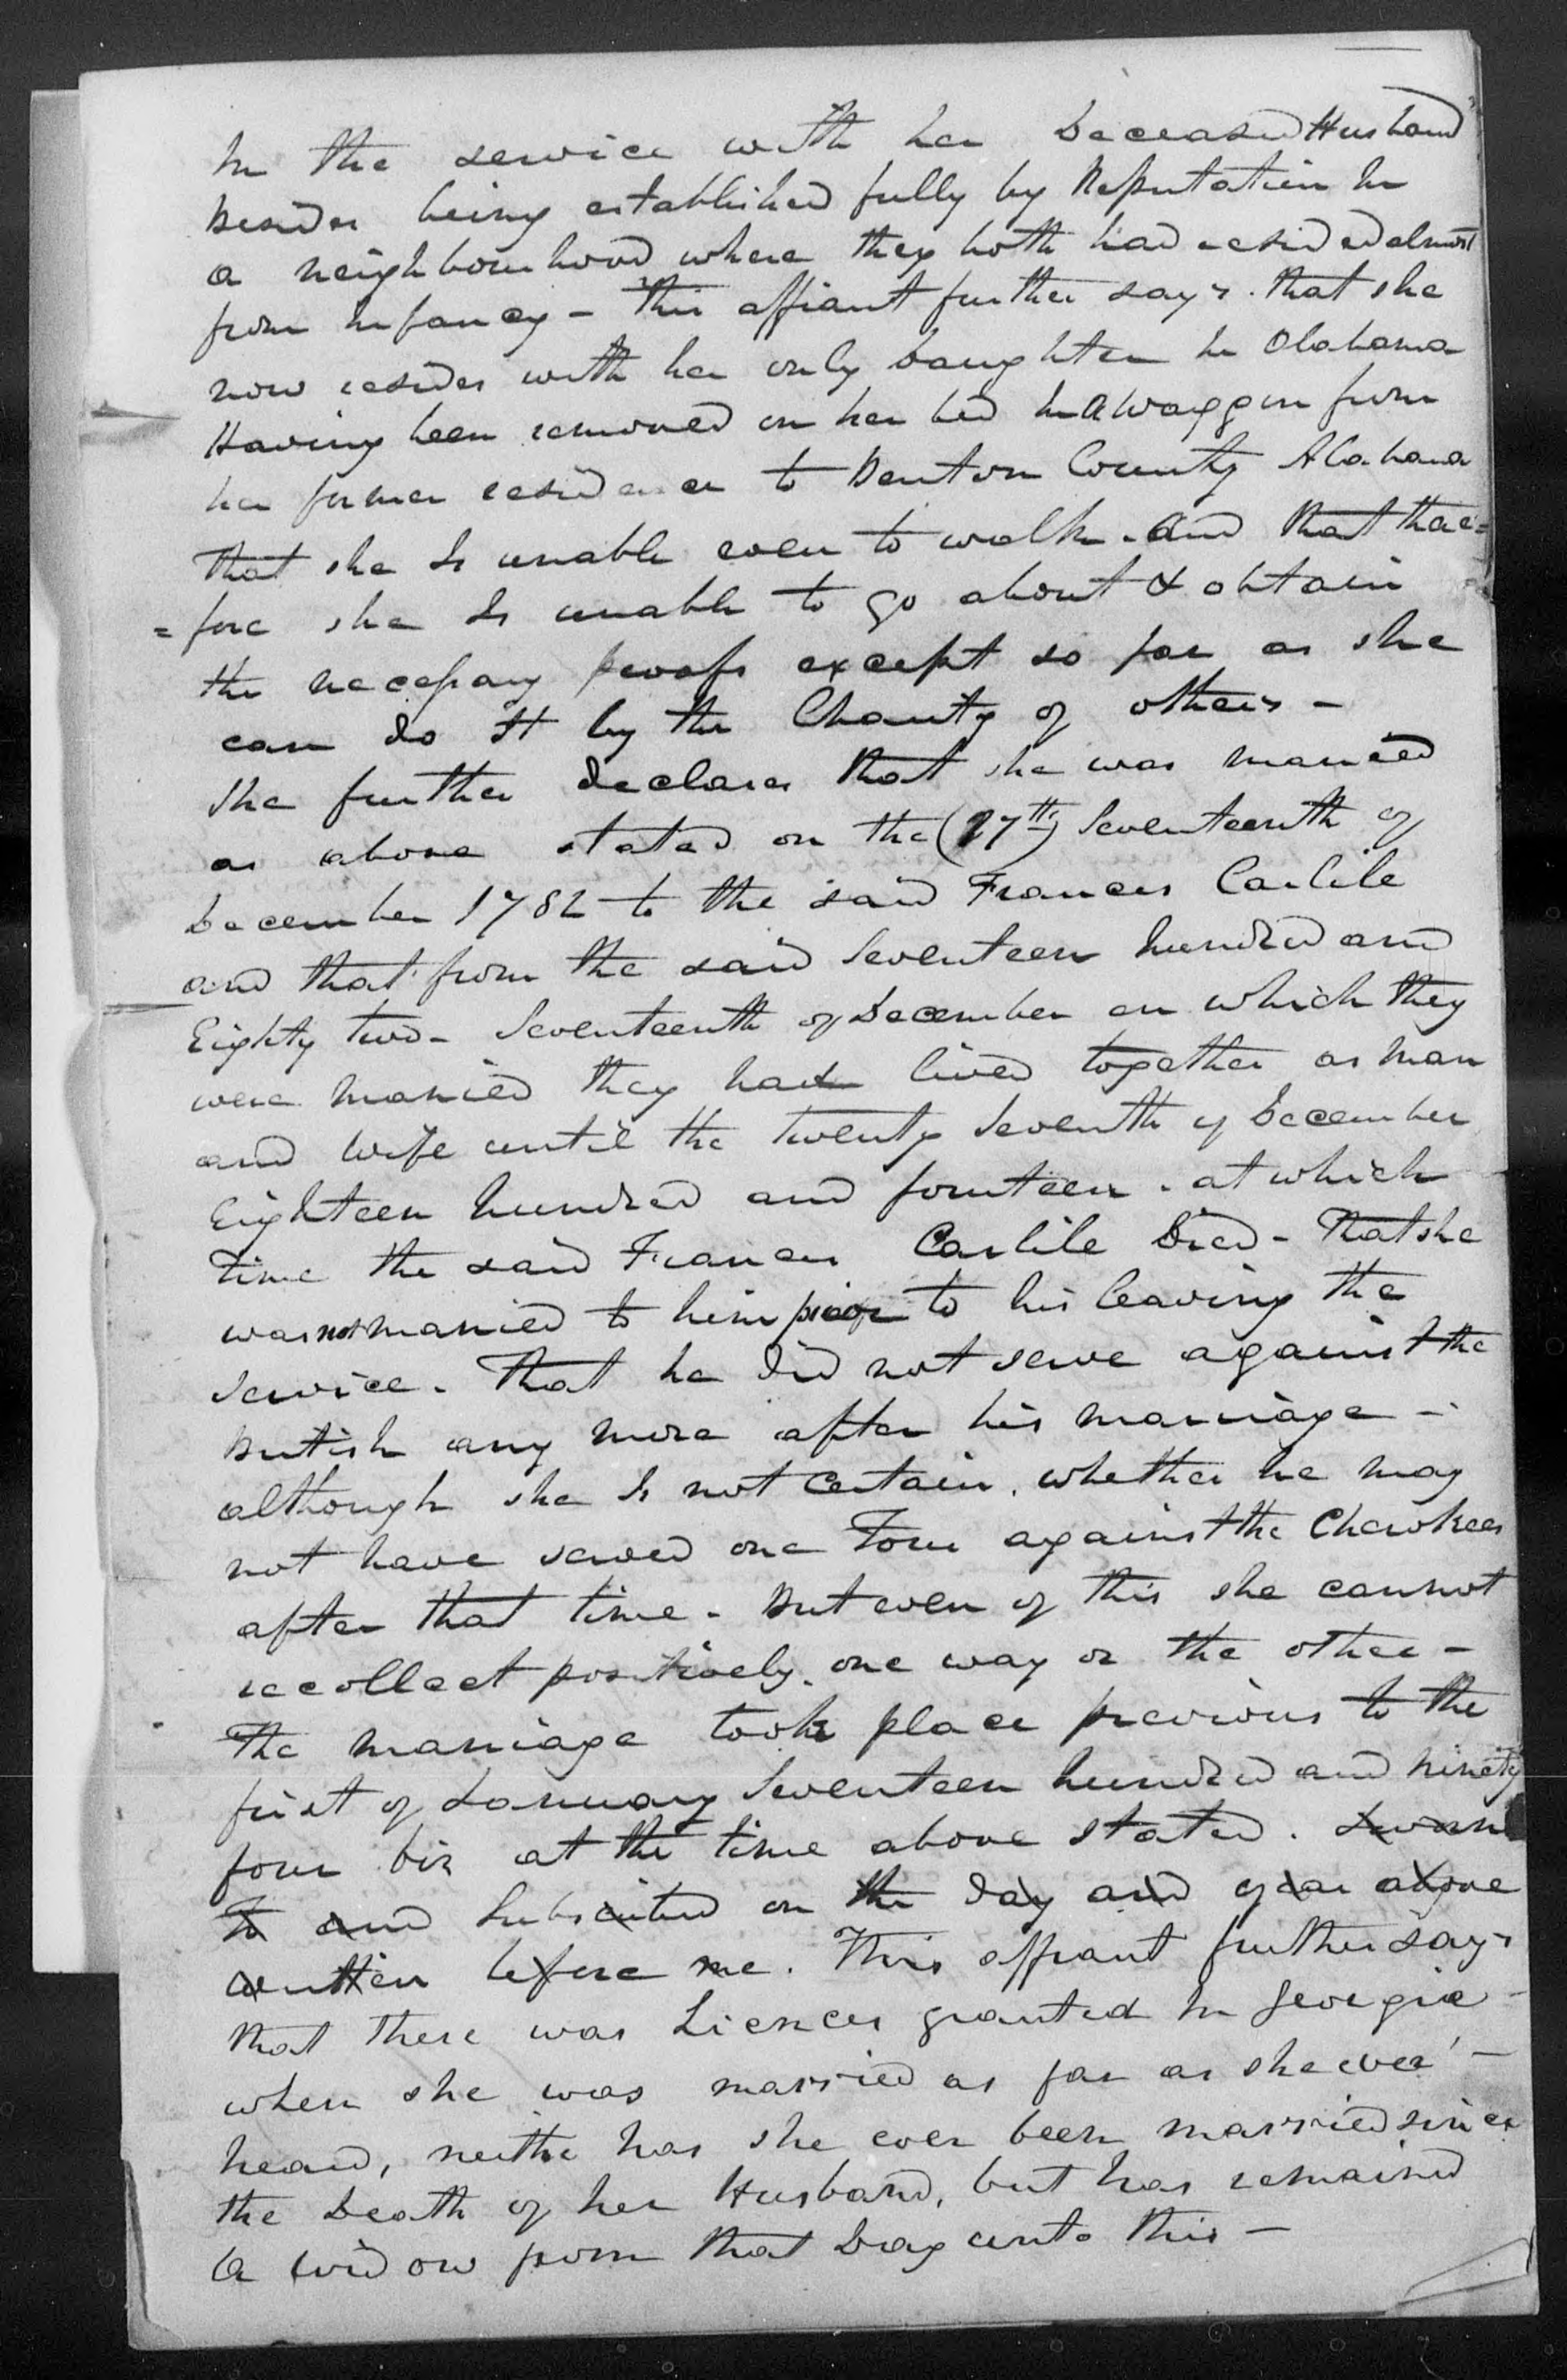in the service with her deceased Husband service being established fully by reputation in the
neighbourhood where they both had resided almost since infancy - this affiant further says that she
now resides with her only daughter in Alabama. Having been removed in her bed on a wagon away from her former residence to Benton County Alabama. that she is unable even to walk and that therefore she is unable to go about & obtain the necessary proof except so for as the can do it by the Charity of others - she further declares that she was married as above stated on the (17th) Seventeenth of December 1782 to the said Francis Carlisle and that from the said Seventeen hundred and Eighty two - Seventeenth of December in which they were mrrnied they had lived together as man and wife until the twenty Seventh of December Eighteen hundred and fourteen, at which time the said Frances Carlisle Died. that she was not married to him prior to his leaving the service. that he did not serve against the British any more after his marriage - although she is not certain whether he may not have saved one tour against the Cherokee after that time. But even of this she cannot recollect positively one way or the other the marriage took place previous to the first of January Seventeen hundred and ninety four is at the time above stated. This affiant further says that there was Licenses granted in Georgia when she was married as far as she ever heard, neither has she ever been married since the Death of her husband, but has remained a widow from that day unto this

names: Francis Carlile, Francis Carlile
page: 8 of 91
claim: widow's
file: W. 10576, Francis Carlisle, S.C.